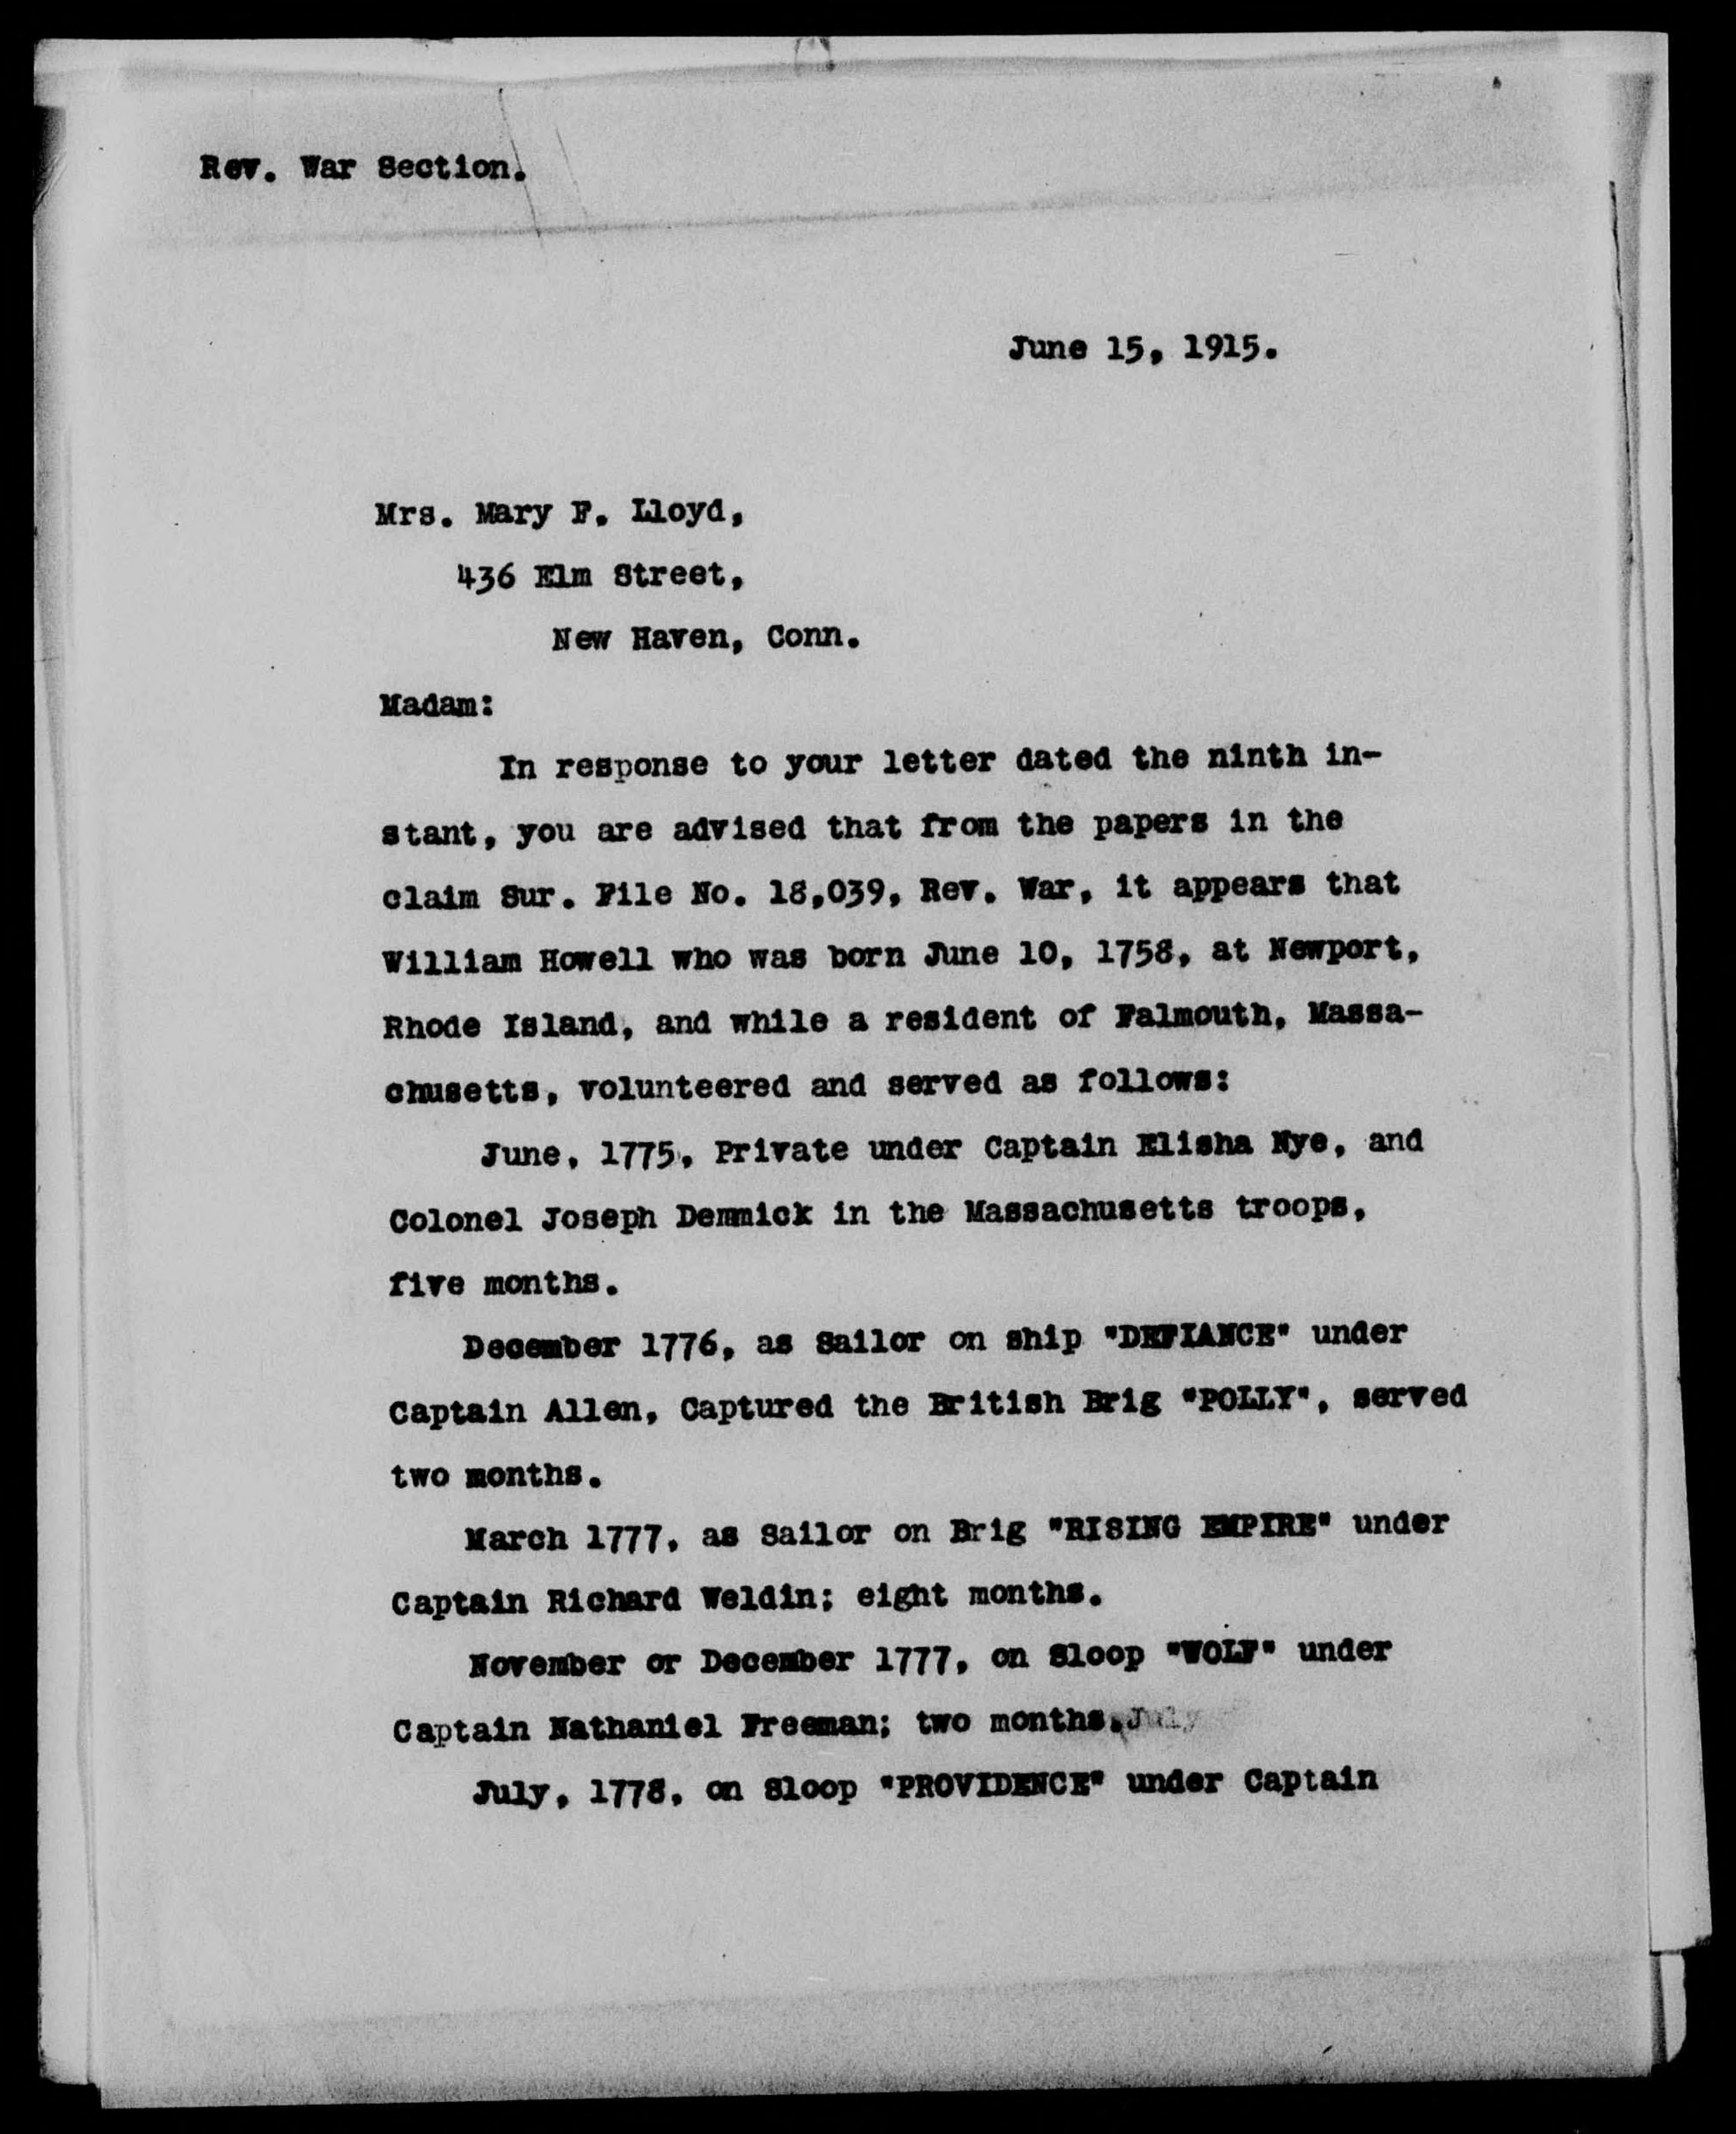Rev. War Section.

June 15, 1915.

Mrs. Mary F. Lloyd
436 Elm Street, 
New Haven, Conn.

Madam:
In response to your letter dated the ninth instant, you are advised that from the papers in the claim sur. File No. 18, 039, Rev. War, it appears that William Howell who was born June 10, 1758, at Newport, Rode Island, and while a resident of Falmouth, Massachusetts, volunteered and served as follows:
June, 1775, Private under Captain Elisha Nye, and Colonel Joseph Demmior in the Massachusetts troops, five months.
December 1776, as Sailor on the ship "DEFIANCE" under Captain Allen, Captured the British Brig "POLLY", served two months.
March 1777, as Sailor on Brig "RISING EMPIRE" under Captain Richard Weldin; eight months.
November or December 1777, on Sloop "WOLF" under Captain Nathaniel Freeman; two months, July [ink runoff]
July, 1778, on Sloop "PROVIDENCE" under Captian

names: Joseph Demmick, Elisha Nye, Richard Weldin, William Howell, Allen, Nathaniel Freeman, Mary F Lloyd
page: 7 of 18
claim: survivor's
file: S. 18,039, William Howell, Conn. Sea Service Mass. And Mass. Sea Service Privateer